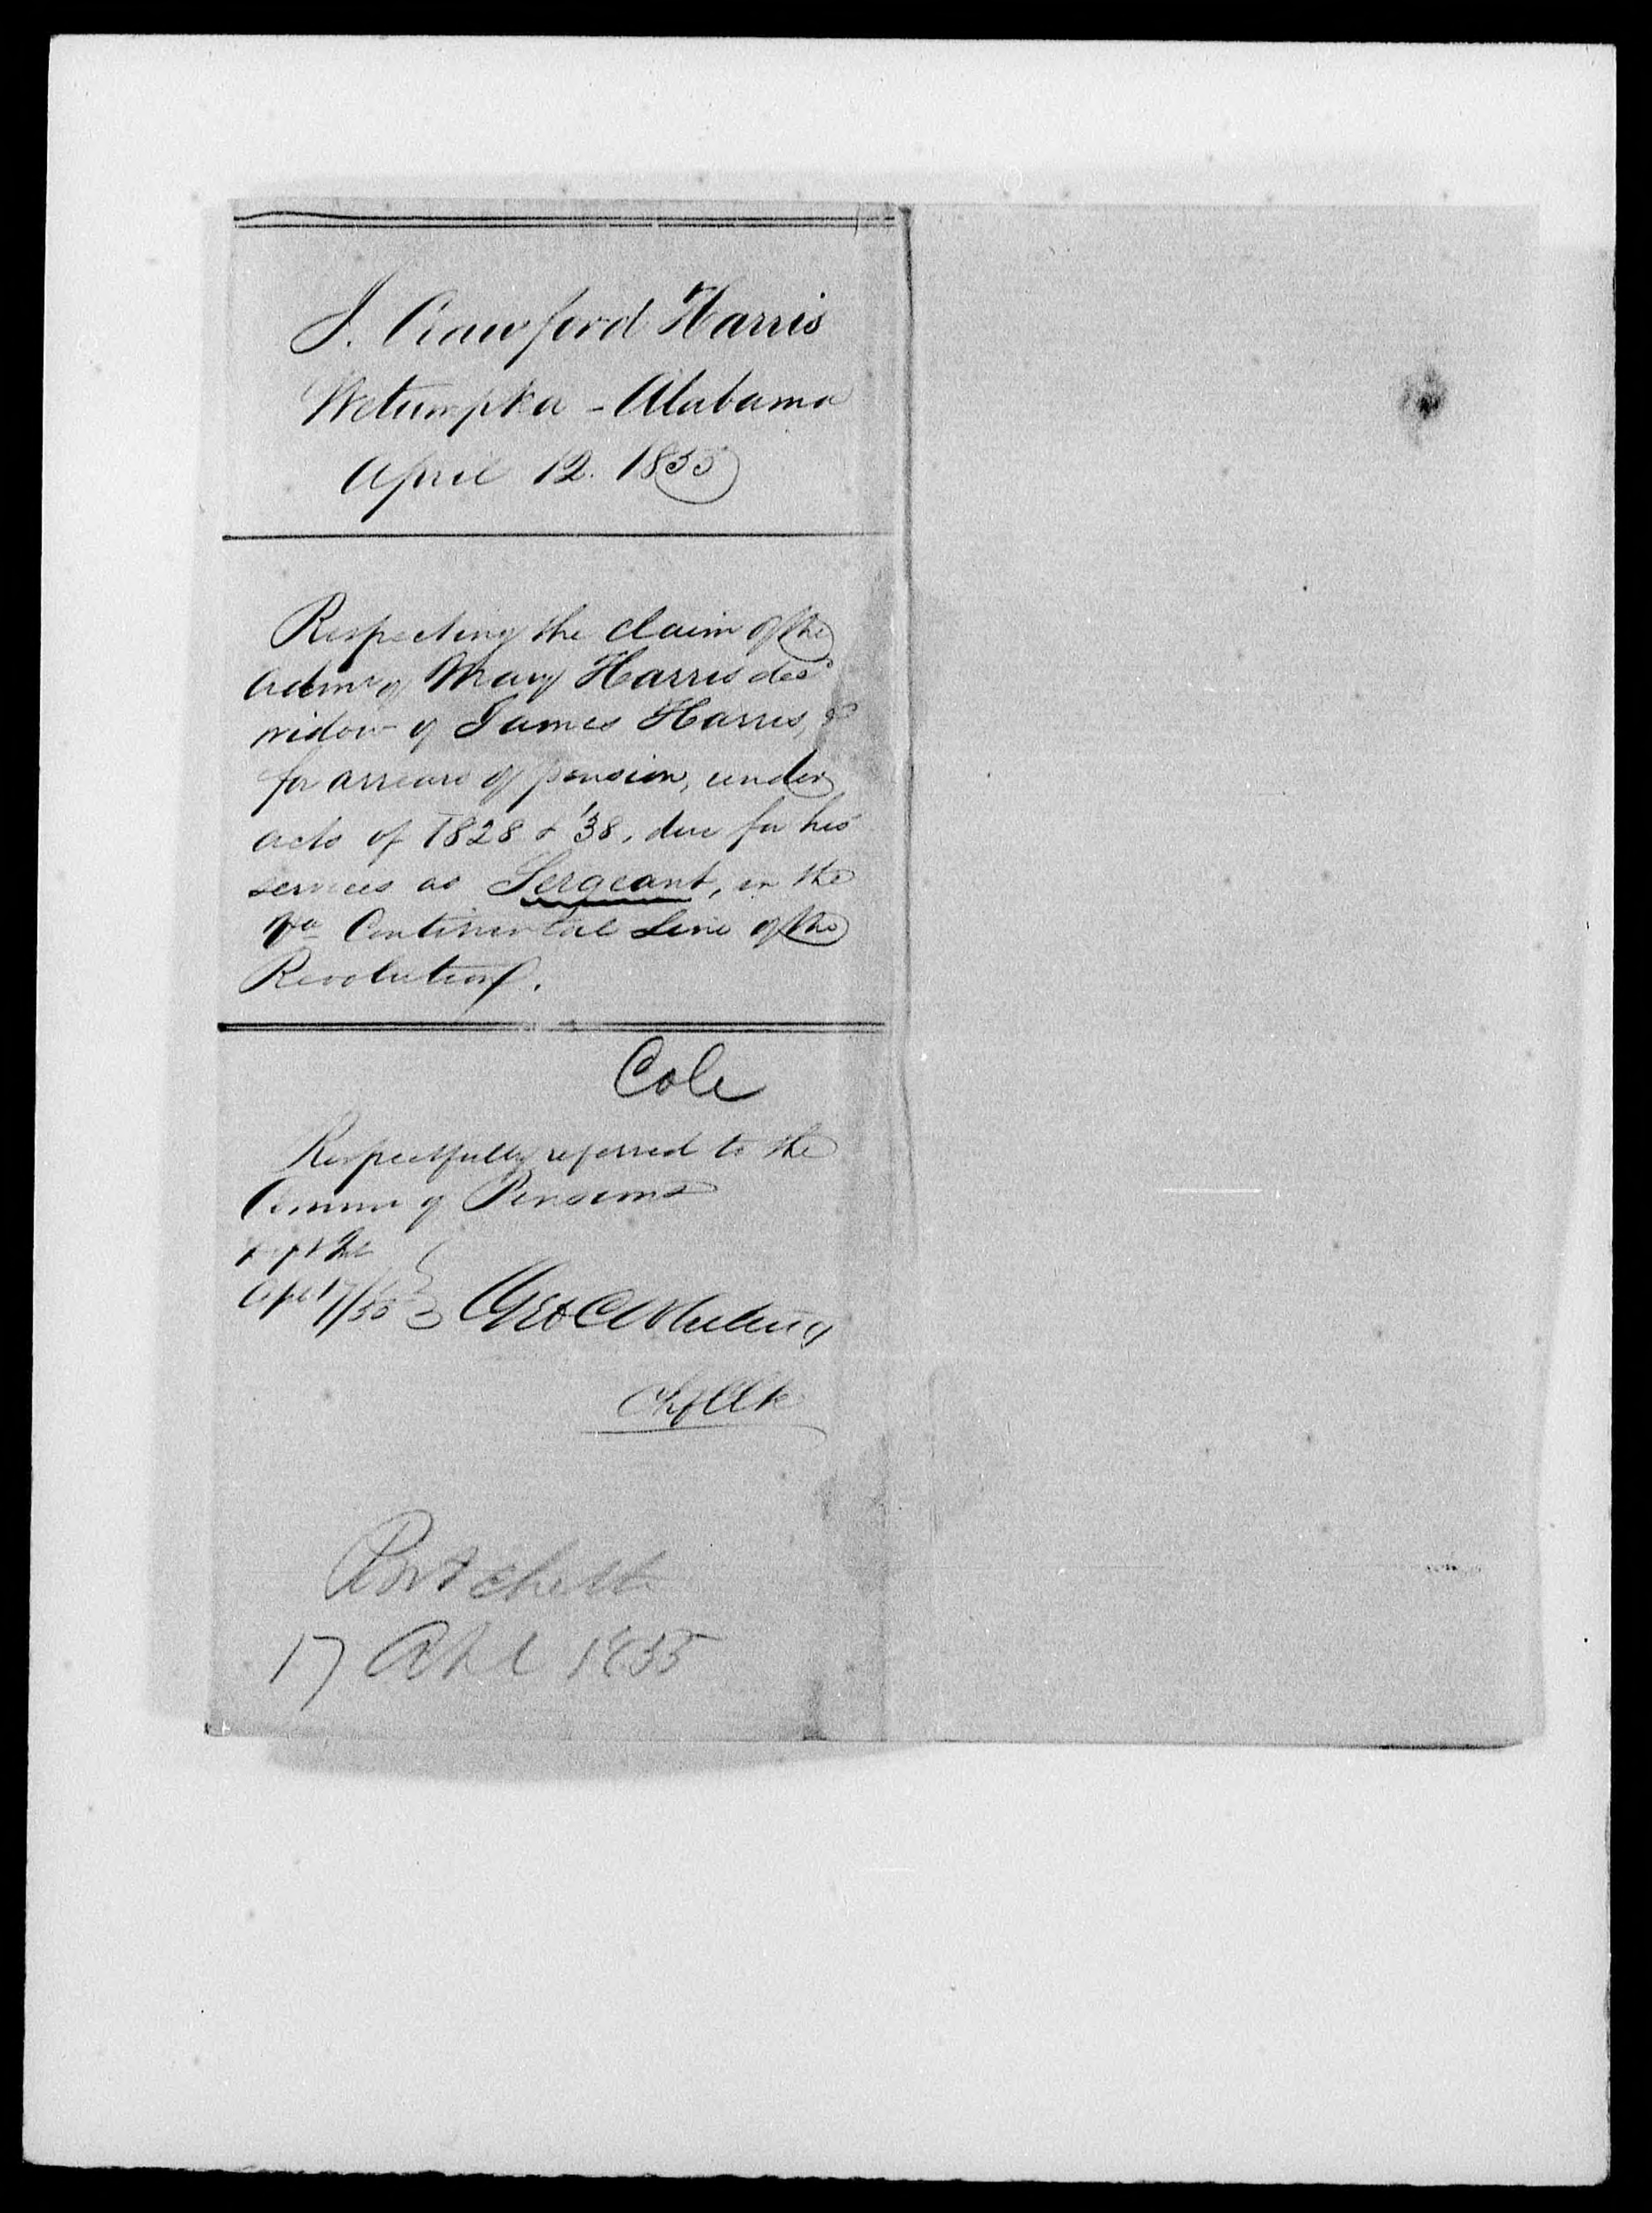J. Crawford Harris
Wetumpka-Alabama
April 12 1855

Respecting the claim of the Admr of Mary Harris desd widow of James Harris, for arrears of pension, under Acts to 1828 & '38, due for his services as Sergeant, in the Va Continental Line of the Revolution.

Cole

Respectfully referred to the 
Commr of Pensions
[?]
Apr 17/55    Geo C. Whiting
Chf Clk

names: Crawford Harris, Pritchette, James Harris, Mary Harris, Geo C Whiting, Cole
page: 53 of 160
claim: rejected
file: R. 4666, James Harris, Va.